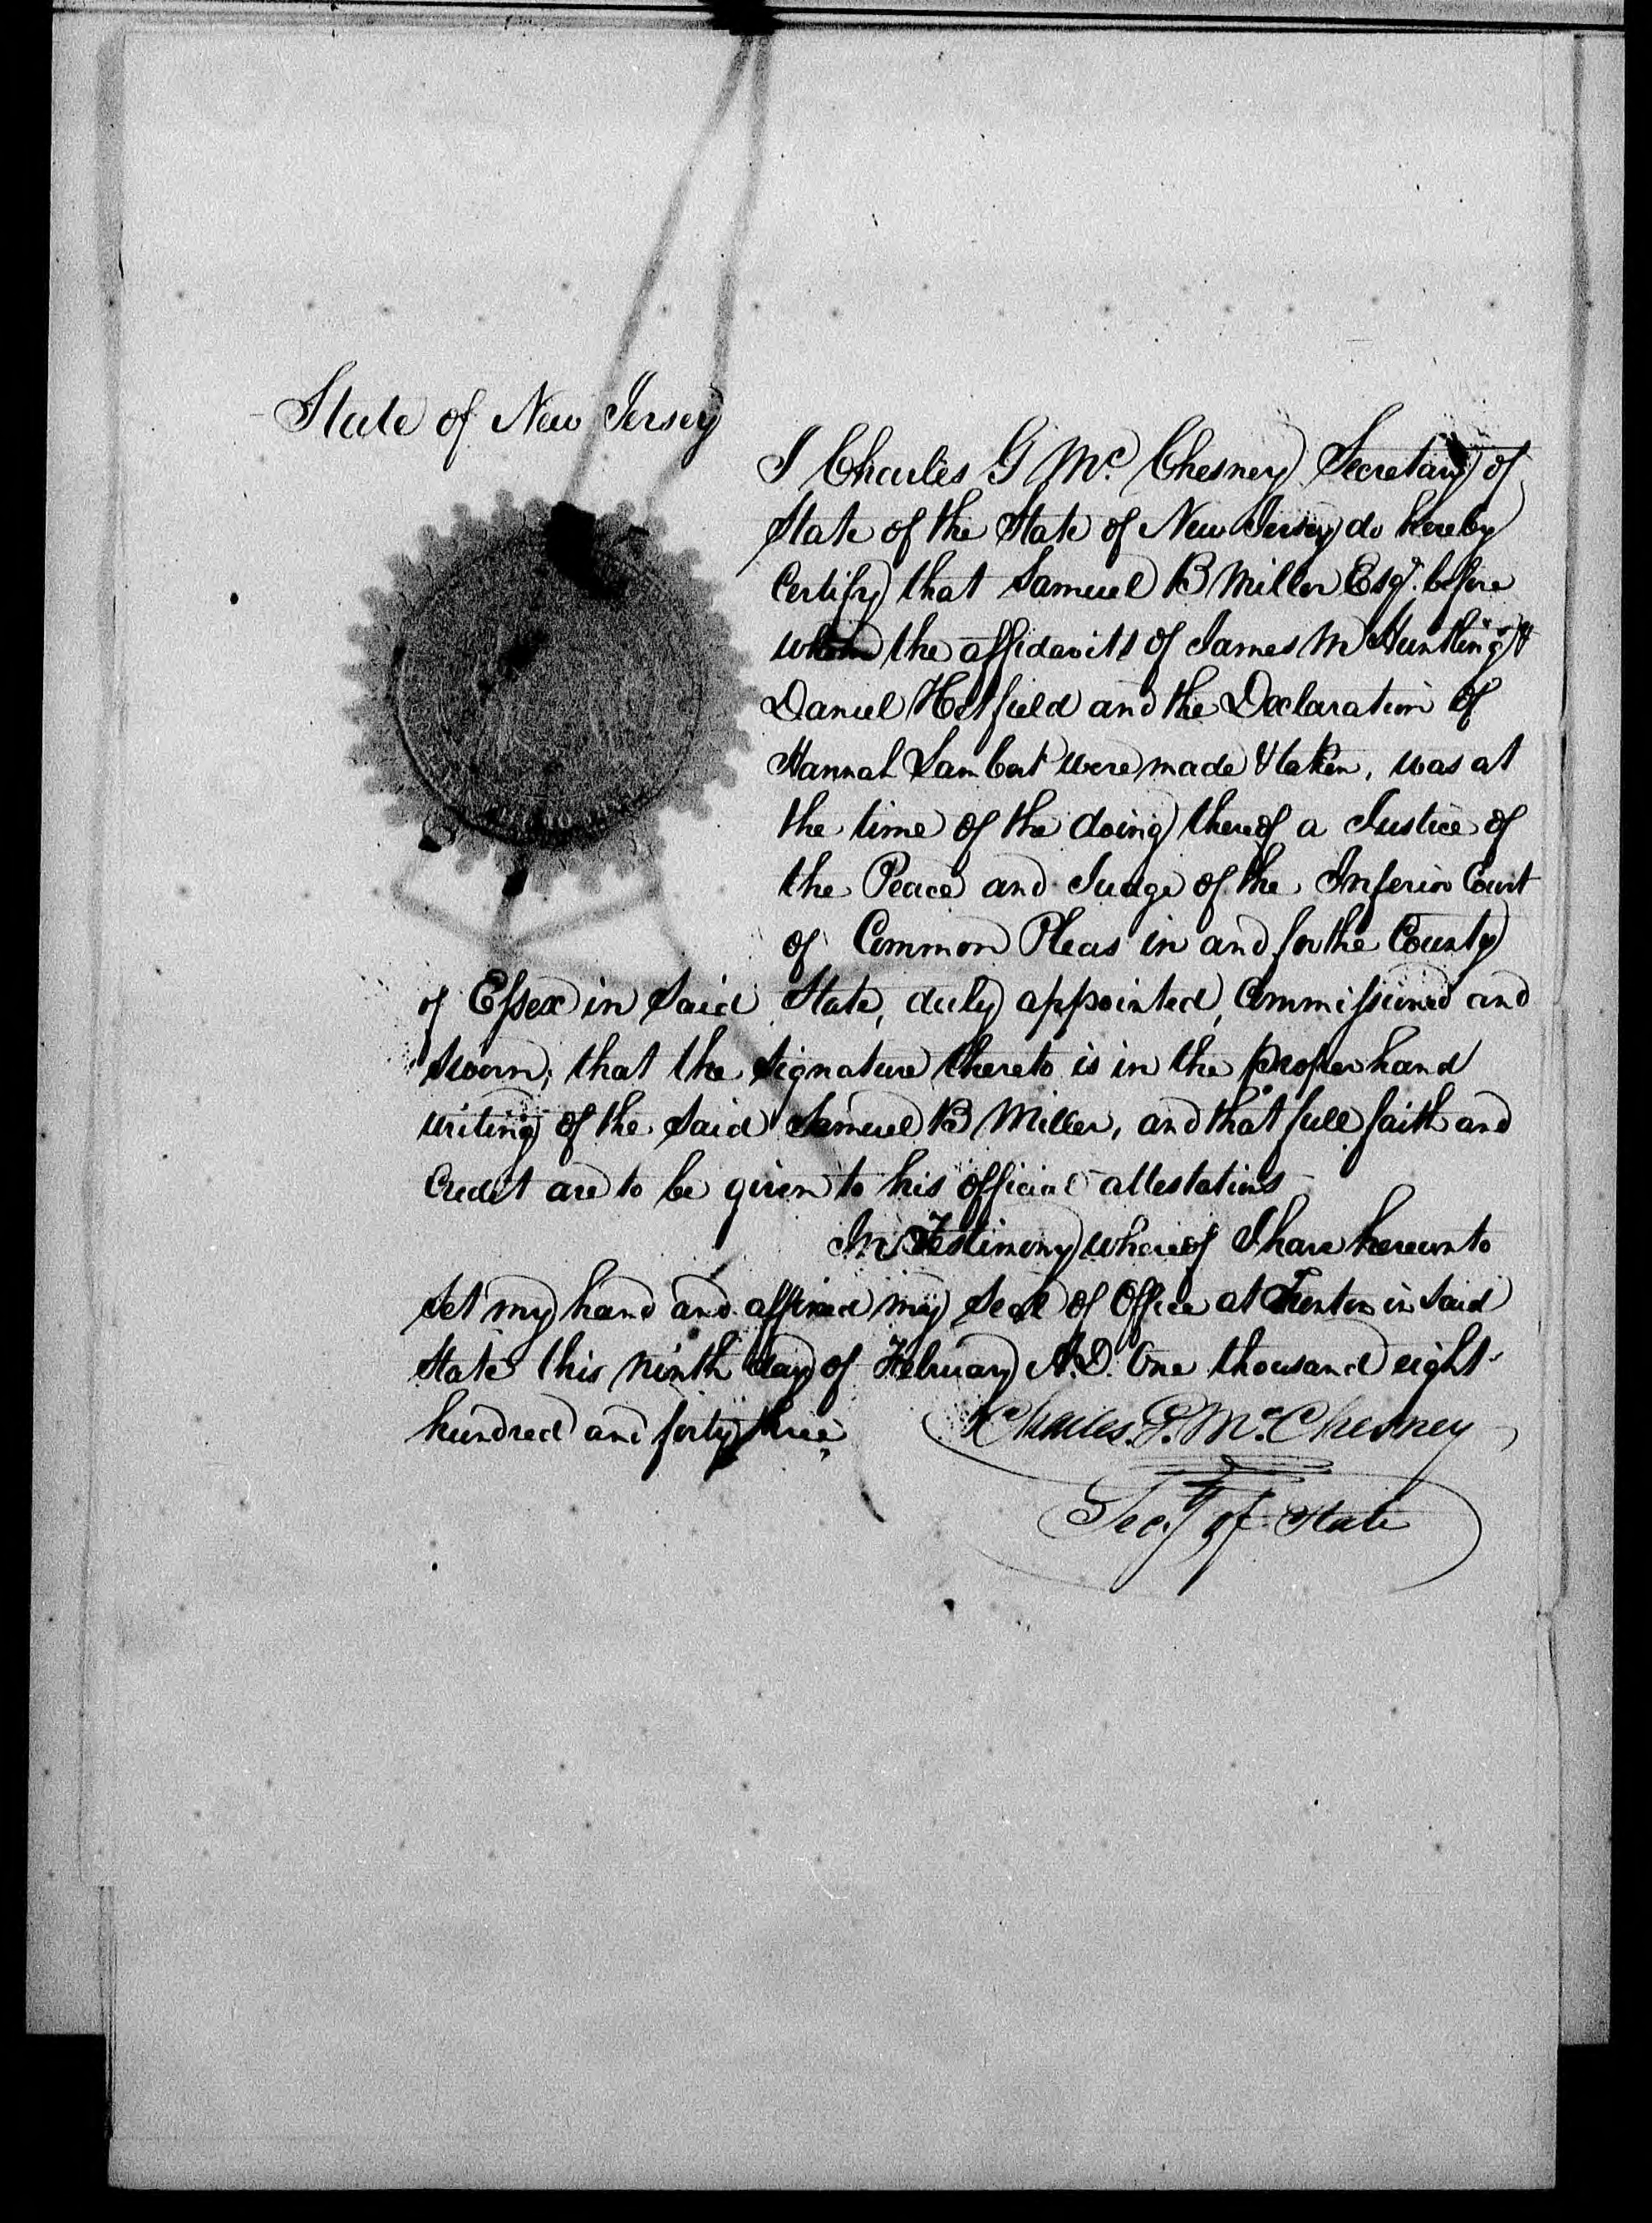State of New Jersey

I Charles G. McChesney Secretary of
State of the State of New Jersey do hereby
Certify that Samuel B Miller Esq. before
whom the affidavit of James M Hunting
Daniel Hetfield and the Declaration of
Hannah Lambert were made & taken, was at
the time of the doing thereof a Justice of
the Peace and Judge of the Inferior Court
of Common Pleas in and for the County
Essex in said State, duly appointed, commissioned and sworn; that the signature thereto is in the proper hand writing of the said Samuel B Miller, and that full faith and
credit are to be given to his official attestations
In Testimony whereof I have hereunto set my hand and affixed my Seal of Office at Trenton in said State this ninth day of February A.D. One thousand eight hundred and forty three
Charles G. McChesney
Secy of State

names: James M Huntting; Daniel Hetfield; Samuel B Miller; Hannah Lambert; Charles G Mc Chesney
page: 20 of 49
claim: widow's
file: W. 859, for James Lambert, New Jersey